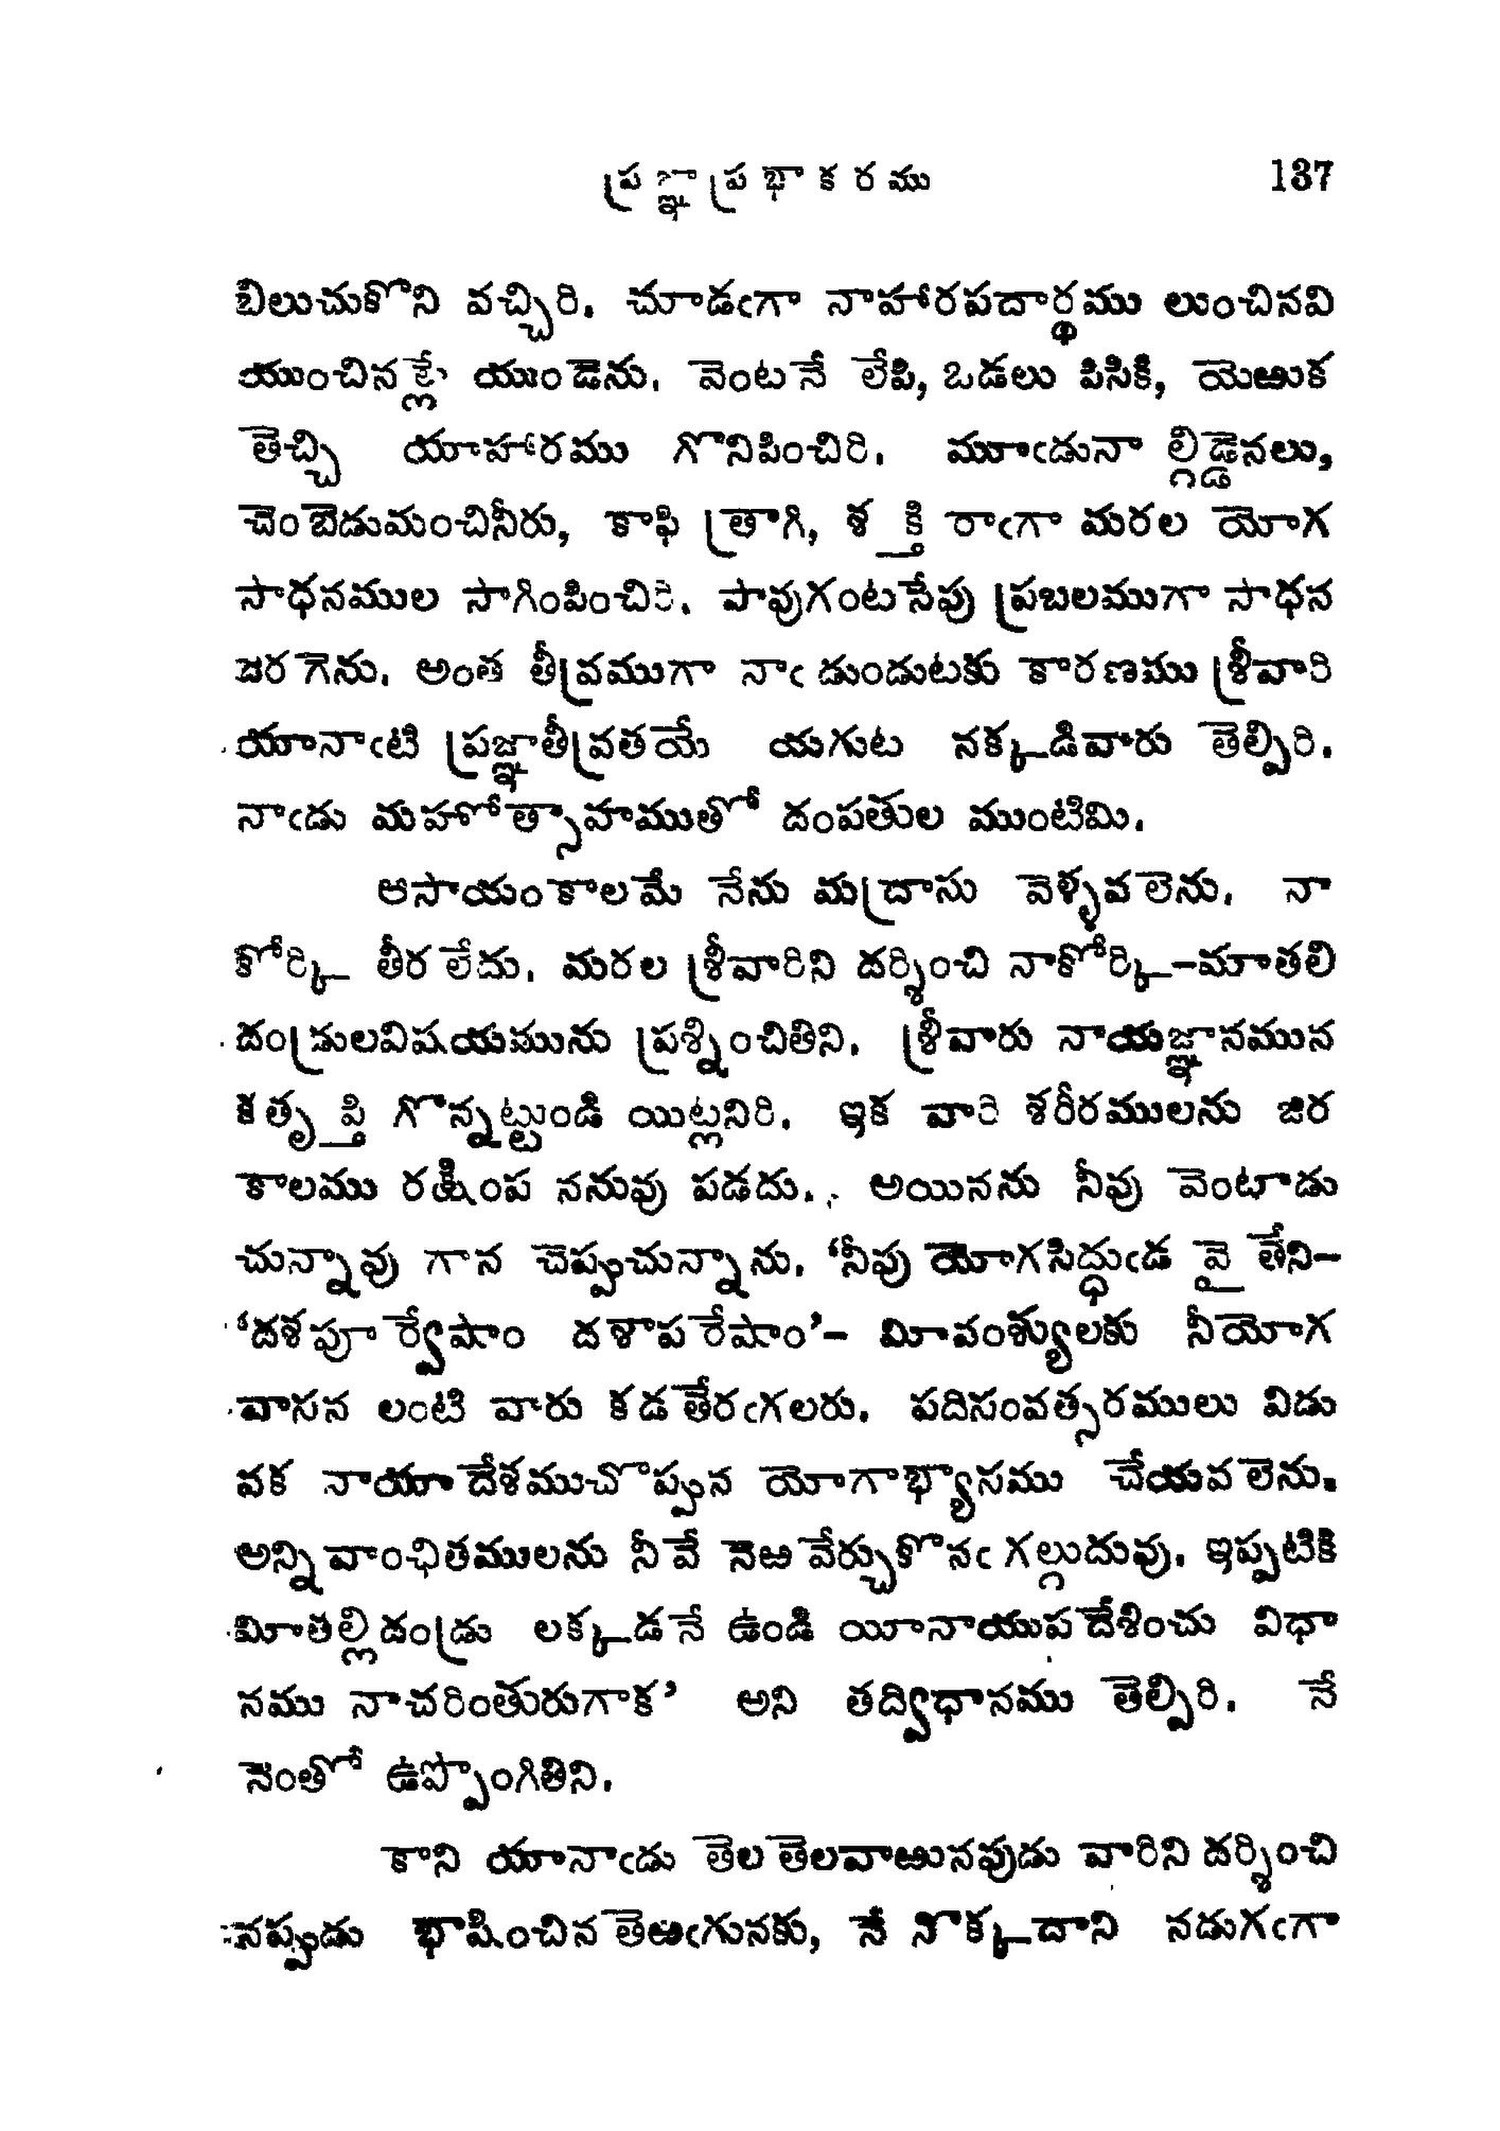లుచుకొనివచ్చిరి. చూడఁగా నా హరపదార్ధములుంచినవి యుంచినట్లే యుండెను. వెంటనే లేపి, ఒడలు పిసికి, యెఱుక తెచ్చి యాహారము గొనిపించిరి. మూఁడునా ల్గిడ్డెనలు, చెంబెడుమంచినీరు, కాఫీ త్రాగి, శక్తి రాఁగా మరల యోగ సాధనముల సాగింపించిరి. పావు గంటసేపు ప్రబలముగా సాధన జరిగెను. అంత తివ్రయే నాఁ డుండుటకు కారణము శ్రీవారి యానాఁటి ప్రజ్ఞతీవ్రతయే యగుట నక్కడి వారు తెల్పిరి. నాఁడు మహోత్సాహముతో దంపతుల ముంటిమి.

 ఆసాయంకాలమే నేను మద్రాసు వెళ్ళవలెను. నా కోర్కి తీరలేదు. మరల శ్రీవారి దర్శించి నా కోర్కి- మా తలి దండ్రుల విషయమును ప్రశ్నించితిని. శ్రీవారు శరీరములను జిరకాలము రక్షింప ననువు పడదు. అయినను నీవు వెంటాడు చున్నావు గాన చెప్పుచున్నావు.' నీవు యోగ సిద్ధుఁ వై తేని-' దశపూర్వేషాం దశపరేషాం-మివంశ్యులకు నీ యోగవాసన లంటి వారు కడతేరఁ గలరు. పది సంవత్సరములు విడువక నాయాదేశము చొప్పున యోగా భ్యాసము చేయవలెను. అన్నివాంఛితములను నీవే నెఱవేర్చుకొనఁగల్గుదువు. ఇప్పటికి మి తల్లిదండ్రులు లక్కడనే ఉండియీనాయుప దేశించు విధానము నాచరింతురుగాక' అని తద్విధానము తెల్పిరి. నే నెంతో ఉప్పొంగితిని.

 కాని యానాఁడు తెల తెలవాఱునపుడు వారిని దర్సించి నప్పుడు భాషించిన తెఱఁ గునకు, నే నొక్క దాని నడుగఁగా